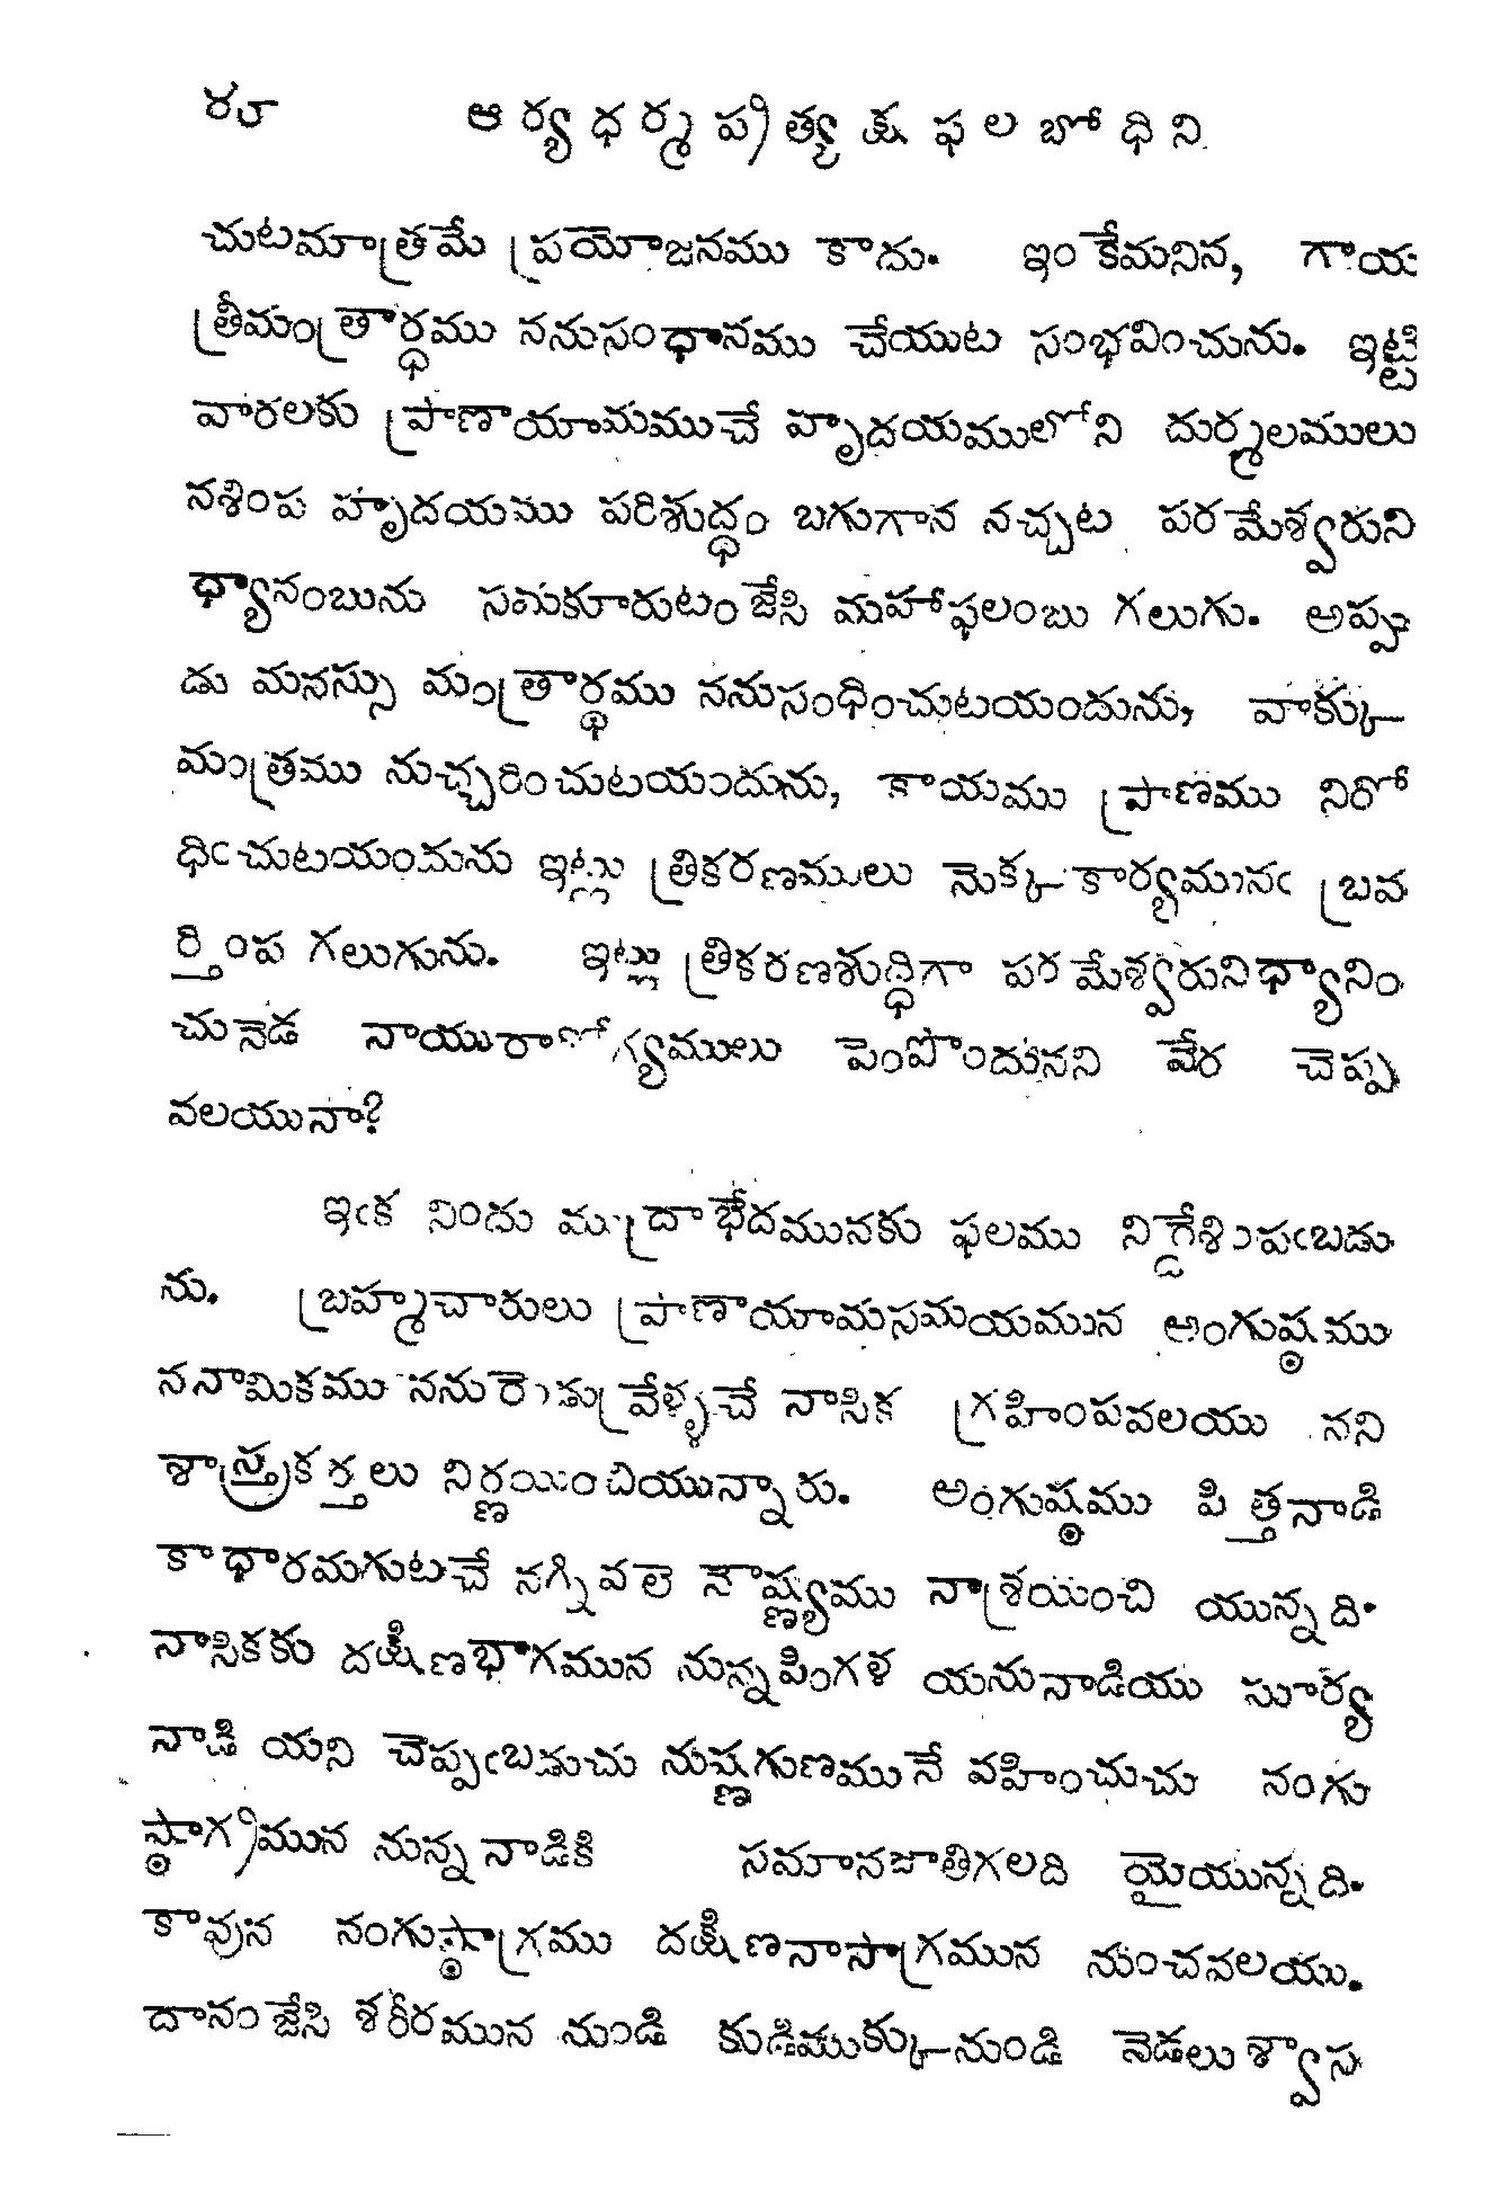చుటమాత్రమే ప్రయోజనము కాదు. ఇంకేమనిన, గాయత్రీమంత్రార్ధము ననుసంధానము చేయుట సంభవించును. ఇట్టివారలకు ప్రాణాయామముచే హృదయములోని దుర్మలములు నశింప హృదయము పరిశుద్ధం బగుగాన నచ్చట పరమేశ్వరుని ధ్యానంబును సమకూరుటంజేసి మహాఫలంబు గలుగు. అప్పుడు మనస్సు మంత్రార్థము ననుసంధించుటయందును, వాక్కు మంత్రము నుచ్చరించుటయందును, కాయము ప్రాణము నిరోధించుటయందును ఇట్లు త్రికరణములు నొక్కకార్యమునఁ బ్రవర్తింప గలుగును. ఇట్లు త్రికరణశుద్ధిగా పరమేశ్వరునిధ్యానించునెడ నాయురారోగ్యములు పెంపొందునని వేర చెప్పవలయునా?

ఇఁక నిందు ముద్రాభేదమునకు ఫలము నిర్దేశింపఁబడును. బ్రహ్మచారులు ప్రాణాయామసమయమున అంగుష్ఠము ననామికము ననురెండువ్రేళ్ళచే నాసిక గ్రహింపవలయు నని శాస్త్రకర్తలు నిర్ణయించియున్నారు. అంగుష్ఠము పిత్తనాడి కాధారమగుటచే నగ్నివలె నౌష్ణ్యము నాశ్రయించి యున్నది. నాసికకు దక్షిణభాగమున నున్నపింగళ యనునాడియు సూర్యనాడి యని చెప్పఁబడుచు నుష్ణగుణమునే వహించుచు నంగుష్ఠాగ్రమున నున్ననాడికి సమానజాతిగలది యైయున్నది. కావున నంగుష్ఠాగ్రము దక్షిణనాసాగ్రమున నుంచవలయు.
దానంజేసి శరీరమున నుండి కుడిముక్కునుండి వెడలుశ్వాస